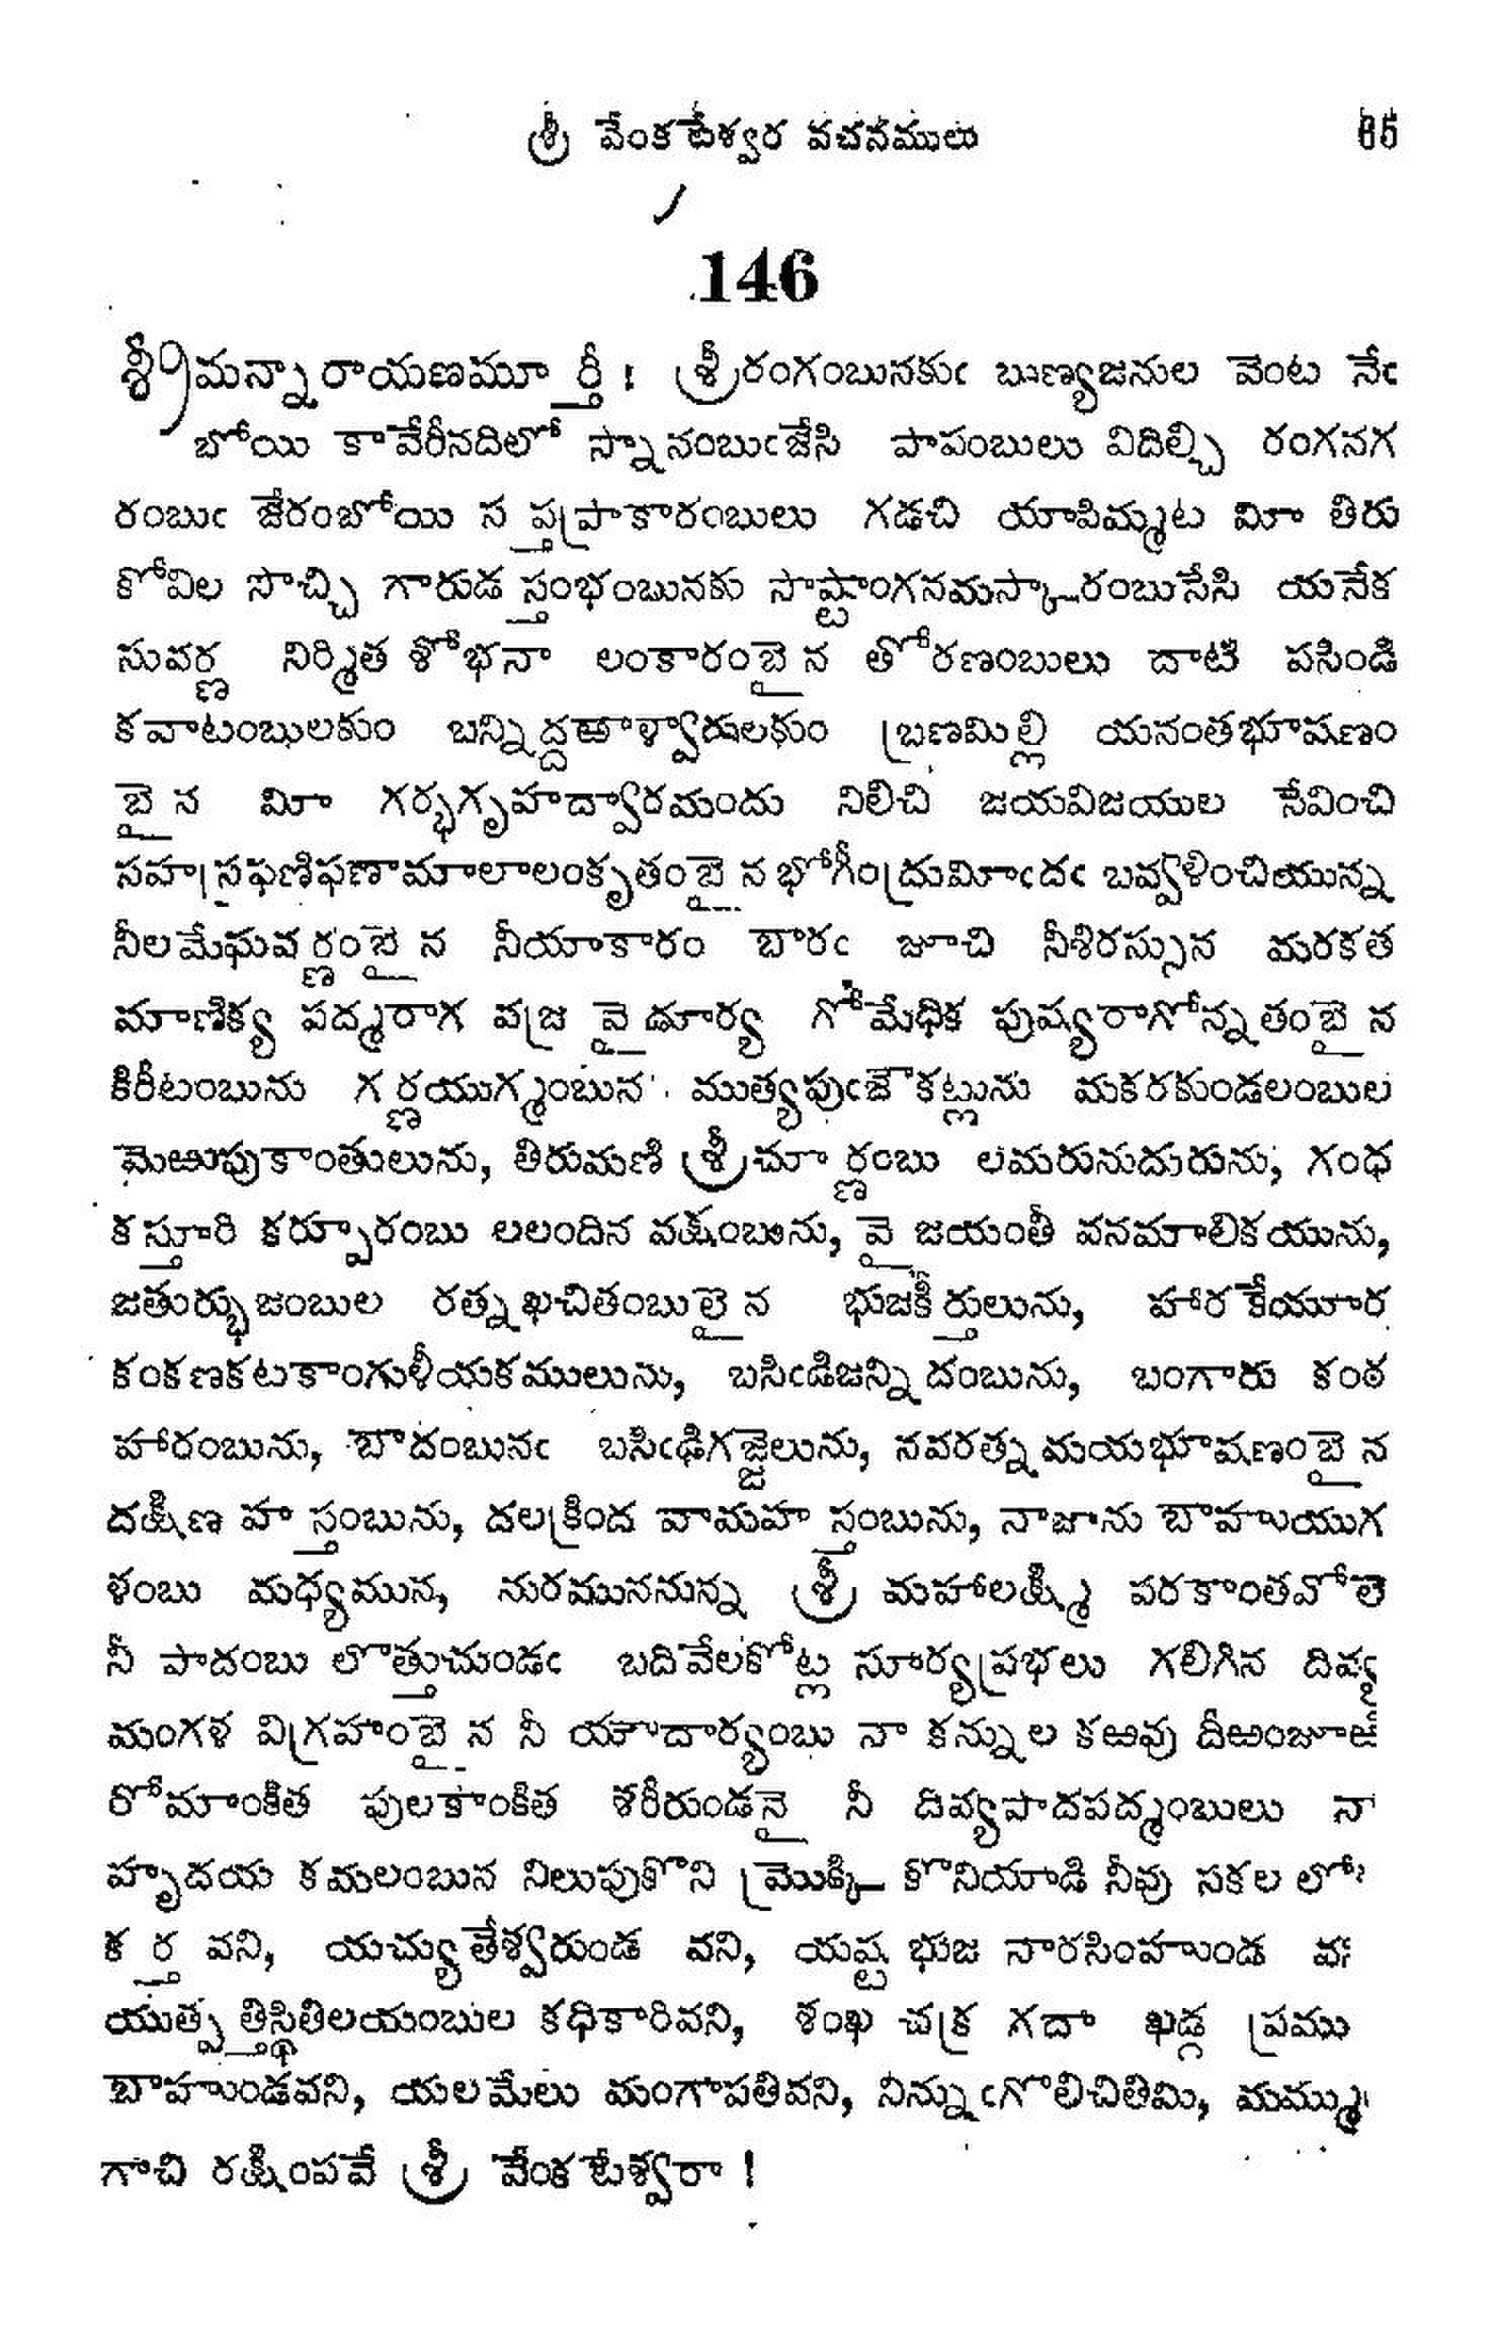146 

! శ్రీరంగంబునకుఁ బుణ్యజనుల వెంట నేఁబోయి కావేరీనదిలో స్నానంబుఁజేసి పాపంబులు విదిల్చి రంగనగ రంబుఁ జేరంబోయి స ప్తప్రాకారంబులు గడచి యాపిమ్మట మీ తిరు కోవిల సొచ్చి గారుడ స్తంభంబునకు సాష్టాంగ నమస్కారంబు సేసి యనేక సువర్ల నిర్మిత శోభనా లంకారంబైన తోరణంబులు దాటి పసిండి కవాటంబులకుం బన్నిద్దఱాళ్వారులకుం బ్రణమిల్లి యనంత భూషణం బైన మీ గర్భగృహద్వారమందు నిలిచి జయవిజయుల సేవించి సహస్రఫణిఫణామాలాలం కృతంబై న భోగీంద్రుమీఁదఁ బవ్వళించియున్న నీలమేఘవర్ణంబైన నీయాకారం బారఁ జూచి నీశిరస్సున మరకత మాణిక్య పద్మరాగ వజ్ర వైడూర్య గోమేధిక పుష్యరాగోన్నతంబై న కిరీటంబును గర్లయుగ్మంబున' ముత్యపుఁజౌకట్లును మకరకుండలంబుల మెఱుపు కాంతులును, తిరుమణి శ్రీచూర్ణంబు లమరునుదురును, గంధ కస్తూరి కర్పూరంబు లలందిన వక్షంబును, వైజయంతీ వనమాలికయును, జతుర్భుజంబుల రత్నఖచితంబులైన భుజకీర్తులును, హార కేయూర కంకణకటకాంగుళీయకములును, బసిఁడిజన్నీ దంబును, బంగారు కంఠ హారంబును, 'బాదంబునఁ బసిఁఢీగజ్జెలును, నవరత్నమయభూషణం బైన దక్షిణ హస్తంబును, దలక్రింద వామహస్తంబును, నాజాను బాహుయుగ ళంబు మధ్యమున, నురముననున్న శ్రీ మహాలక్ష్మి పరకొంతవోలె నీ పాదంబు లొత్తుచుండఁ బది వేలకోట్ల సూర్యప్రభలు గలిగిన దిష్య మంగళ విగ్రహంబై న నీ యౌదార్యంబు నా కన్నుల కఱవు దీఱంజూఱీ రోమాంకిత పులకాంకిత శరీరుండనై నీ దివ్యపాదపద్మంబులు నా హృదయ కమలంబున నిలుపుకొని మ్రొక్కి కొనియాడి నీవు సకల లో కర్త వని, యచ్యు తేశ్వరుండ వని, యష్ట భుజ నారసింహుండ వని యుత్పత్తిస్థితిలయంబుల కధికారివని, శంఖ చక్ర గదా ఖడ్గ ప్రము బాహుండవని, యలమేలు మంగాపతివని, నిన్ను గొలిచితిమి, మమ్ము గాచి రక్షింపవే శ్రీ వేంకటేశ్వరా !